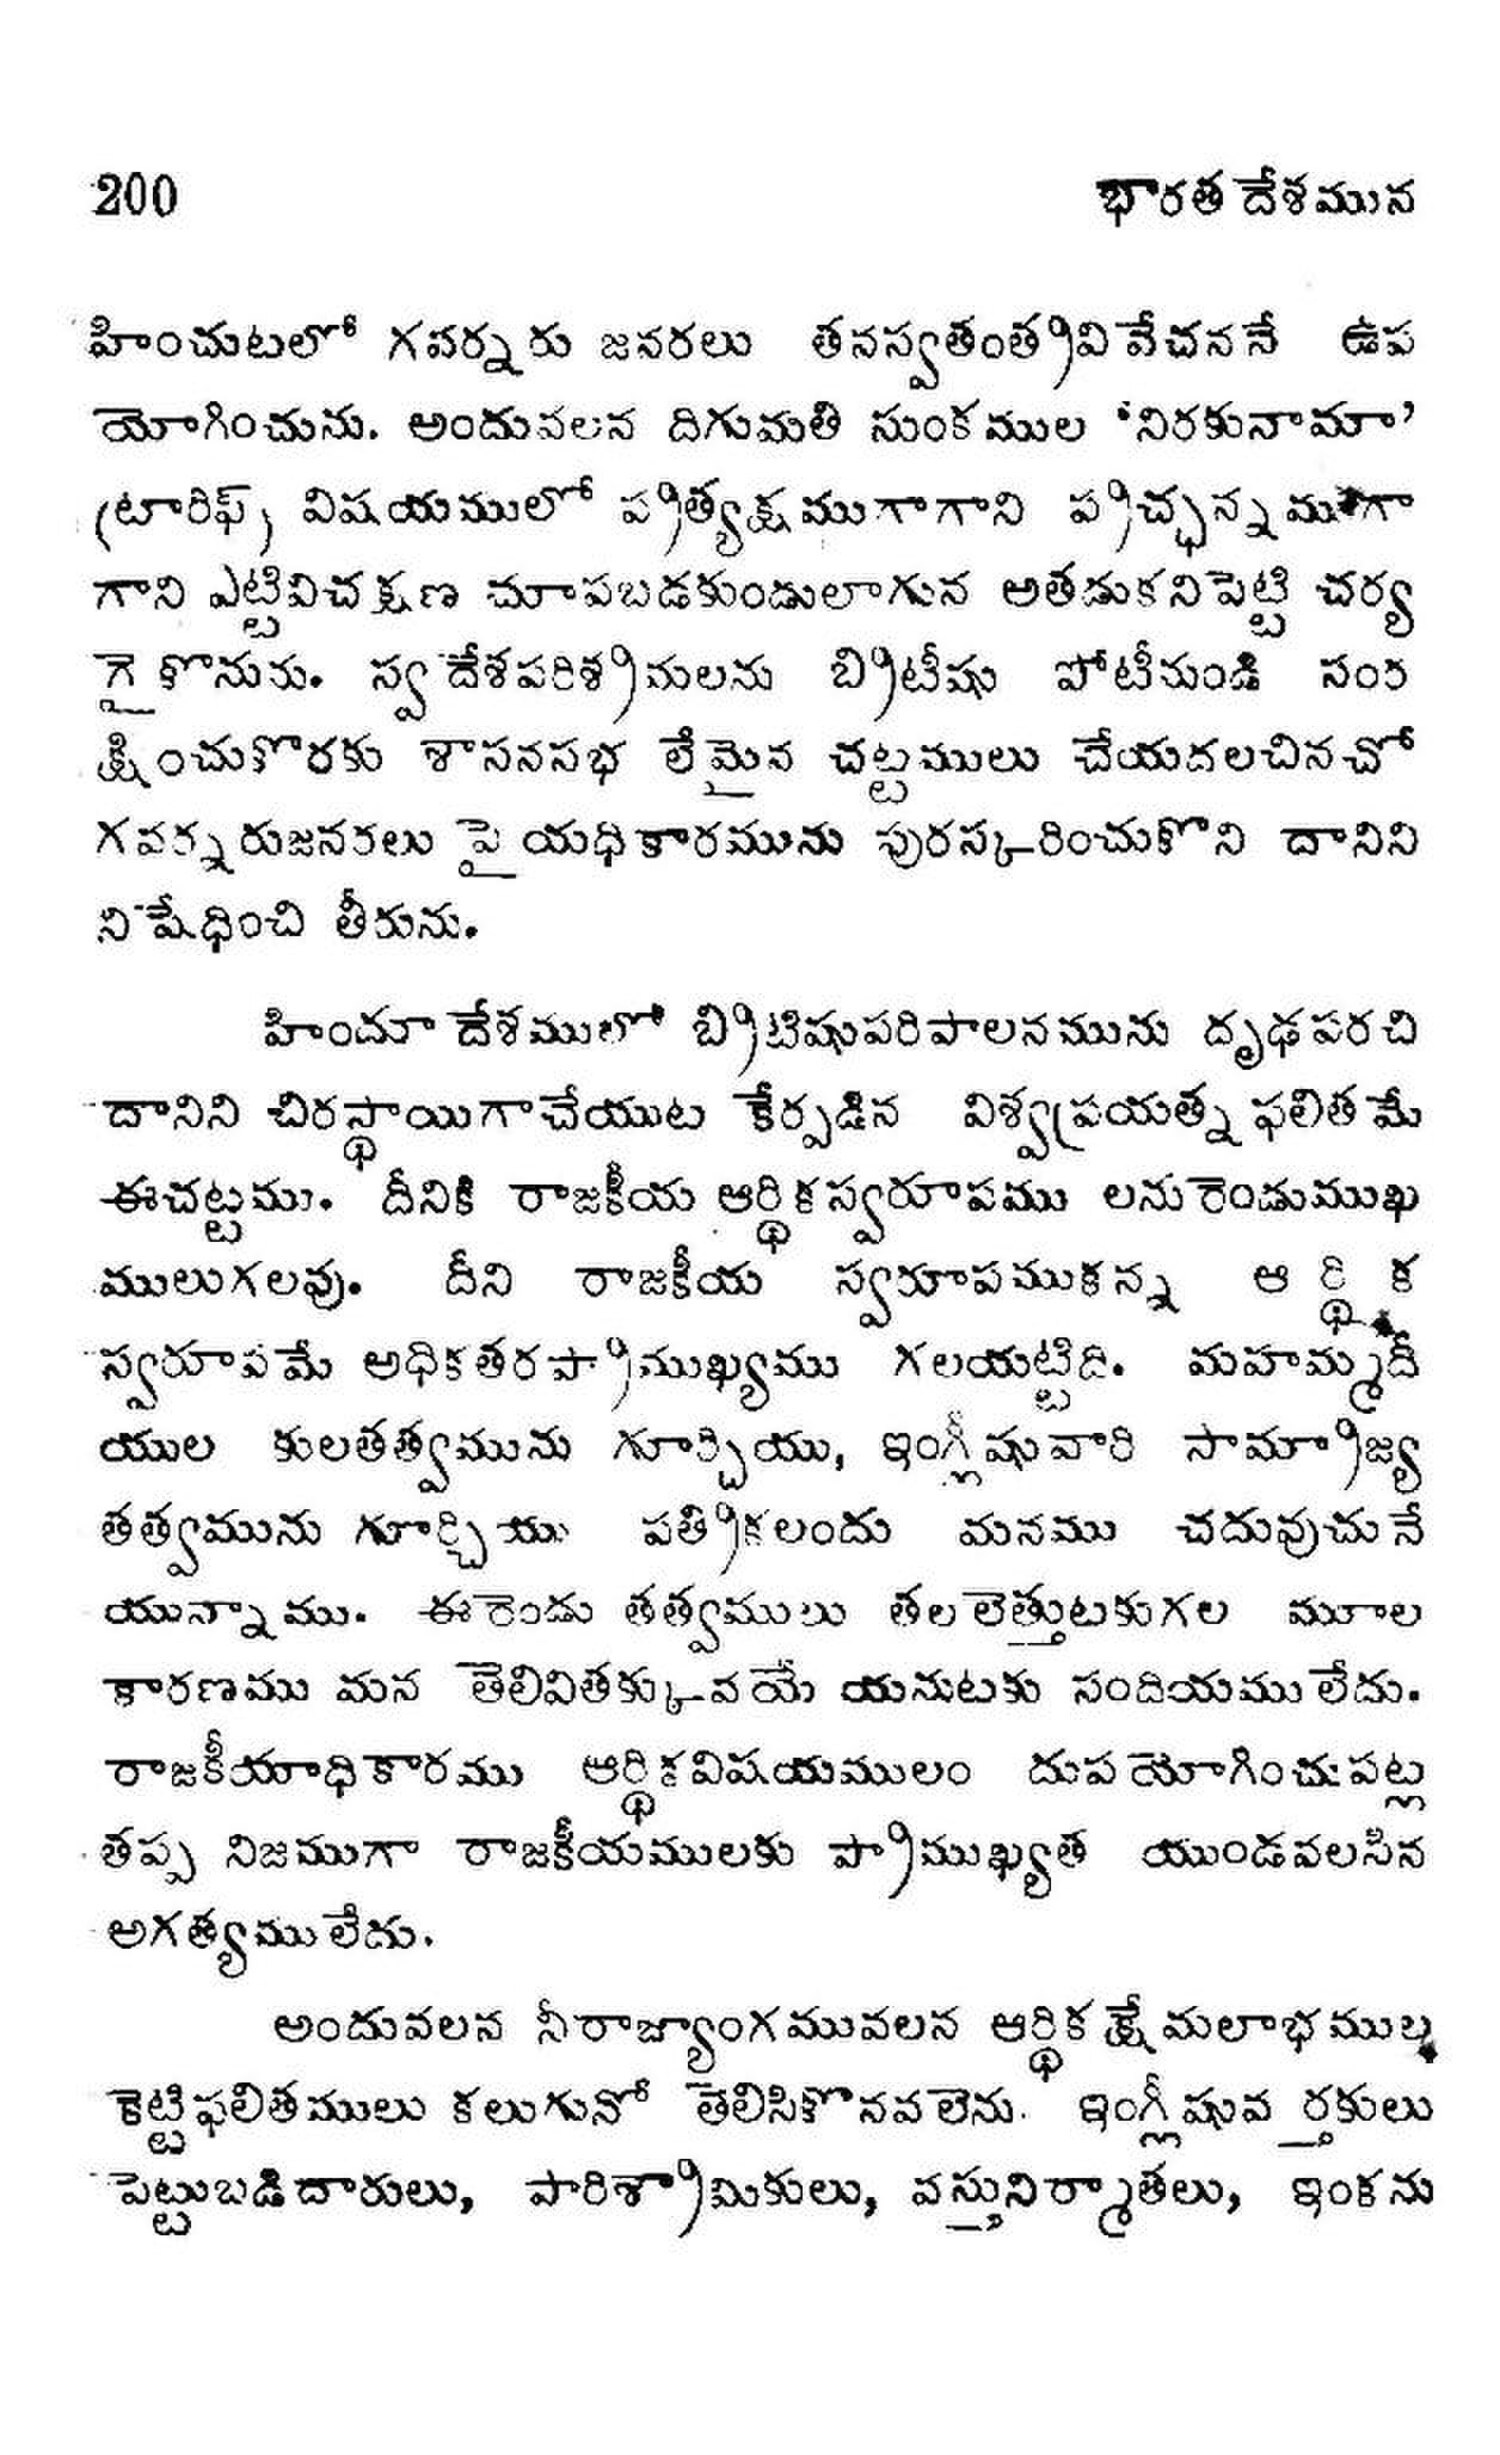హించుటలో గవర్నరు జనరలు తనస్వతంత్రవివేచననే ఉపయోగించును. అందువలన దిగుమతి సుంకముల ‘నిరకునామా' (టారిఫ్) విషయములో ప్రత్యక్షముగాగాని ప్రచ్ఛన్నముగాగాని ఎట్టివిచక్షణ చూపబడకుండులాగున అతడుకనిపెట్టి చర్యగైకొనును. స్వదేశపరిశ్రమలను బ్రిటీషు పోటీనుండి సంరక్షించుకొరకు శాసనసభ లేమైన చట్టములు చేయదలచినచో గవర్నరుజనరలు పై యధికారమును పురస్కరించుకొని దానిని నిషేధించి తీరును.

హిందూ దేశములో బ్రిటిషుపరిపాలనమును దృఢపరచి దానిని చిరస్థాయిగాచేయుట కేర్పడిన విశ్వప్రయత్న ఫలితమే ఈచట్టము. దీనికి రాజకీయ ఆర్థికస్వరూపము లనురెండుముఖములుగలవు. దీని రాజకీయ స్వరూపముకన్న ఆర్థిక స్వరూపమే అధికతరప్రాముఖ్యము గలయట్టిది. మహమ్మదీయుల కులతత్వమును గూర్చియు, ఇంగ్లీషువారి సామ్రాజ్యతత్వమును గూర్చియు పత్రికలందు మనము చదువుచునే యున్నాము. ఈ రెండు తత్వములు తలలెత్తుటకుగల మూలకారణము మన తెలివితక్కువయే యనుటకు సందియములేదు. రాజకీయాధికారము ఆర్థికవిషయములం దుపయోగించుపట్ల తప్ప నిజముగా రాజకీయములకు ప్రాముఖ్యత యుండవలసిన అగత్యము లేదు.

అందువలన నీరాజ్యాంగమువలన ఆర్థికక్షేమలాభముల కెట్టిఫలితములు కలుగునో తెలిసికొనవలెను. ఇంగ్లీషువర్తకులు పెట్టుబడిదారులు, పారిశ్రామికులు, వస్తునిర్మాతలు, ఇంకను